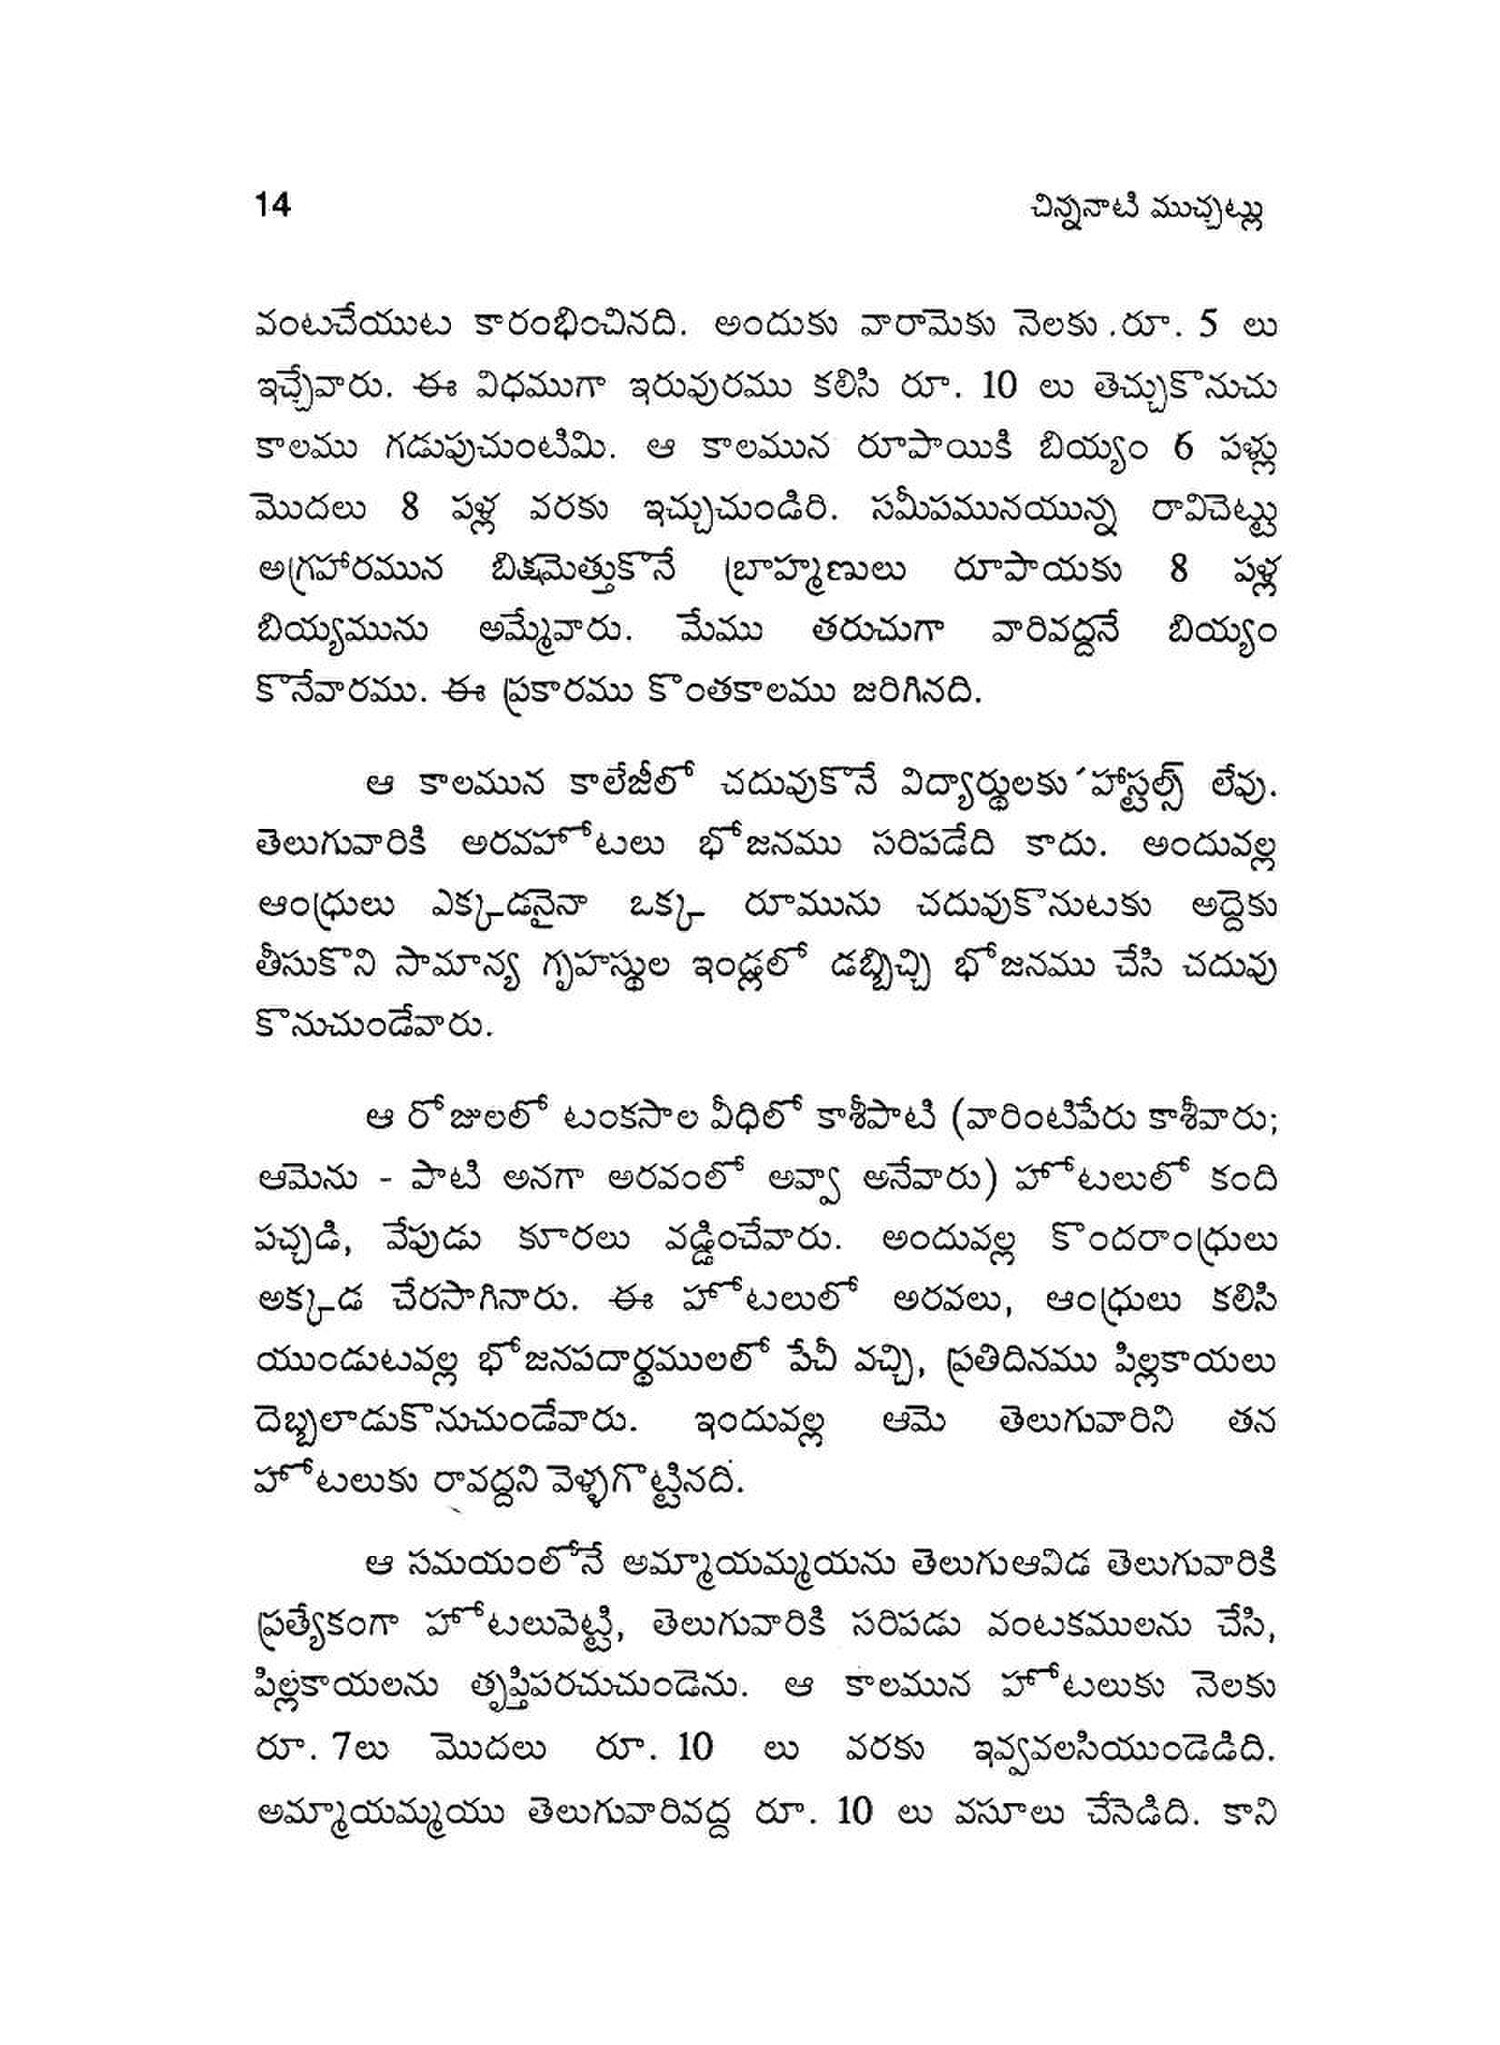వంటచేయుట కారంభించినది. అందుకు వారామెకు నెలకు రూ.5 లు ఇచ్చేవారు. ఈ విధముగా ఇరువురము కలిసి రూ. 10 లు తెచ్చుకొనుచు కాలము గడుపుచుంటిమి. ఆ కాలమున రూపాయికి బియ్యం 6 పళ్లు మొదలు 8 పళ్ల వరకు ఇచ్చుచుండిరి. సమీపమునయున్న రావిచెట్టు అగ్రహారమున బిక్షమెత్తుకొనే బ్రాహ్మణులు రూపాయకు 8 పళ్ల బియ్యమును అమ్మేవారు. మేము తరుచుగా వారివద్దనే బియ్యం కొనేవారము. ఈ ప్రకారము కొంతకాలము జరిగినది.

ఆ కాలమున కాలేజీలో చదువుకొనే విద్యార్థులకు "హాస్టల్స్ లేవు. తెలుగువారికి అరవహోటలు భోజనము సరిపడేది కాదు. అందువల్ల ఆంధ్రులు ఎక్కడనైనా ఒక్క రూమును చదువుకొనుటకు అద్దెకు తీసుకొని సామాన్య గృహస్థుల ఇండ్లలో డబ్బిచ్చి భోజనము చేసి చదువు కొనుచుండేవారు.

ఆ రోజులలో టంకసాల వీధిలో కాశీపాటి (వారింటిపేరు కాశీవారు; ఆమెను - పాటి అనగా అరవంలో అవ్వా అనేవారు) హోటలులో కంది పచ్చడి, వేపుడు కూరలు వడ్డించేవారు. అందువల్ల కొందరాంధ్రులు అక్కడ చేరసాగినారు. ఈ హోటలులో అరవలు, ఆంధ్రులు కలిసి యుండుటవల్ల భోజనపదార్ధములలో పేచీ వచ్చి, ప్రతిదినము పిల్లకాయలు దెబ్బలాడుకొనుచుండేవారు. ఇందువల్ల ఆమె తెలుగువారిని తన హోటలుకు రావద్దని వెళ్ళగొట్టినది.

ఆ సమయంలోనే అమ్మాయమ్మయను తెలుగుఆవిడ తెలుగువారికి ప్రత్యేకంగా హోటలుపెట్టి, తెలుగువారికి సరిపడు వంటకములను చేసి, పిల్లకాయలను తృప్తిపరచుచుండెను. ఆ కాలమున హోటలుకు నెలకు రూ. 7లు మొదలు రూ. 10 లు వరకు ఇవ్వవలసియుండెడిది. అమ్మాయమ్మయు తెలుగువారివద్ద రూ. 10 లు వసూలు చేసెడిది. కాని